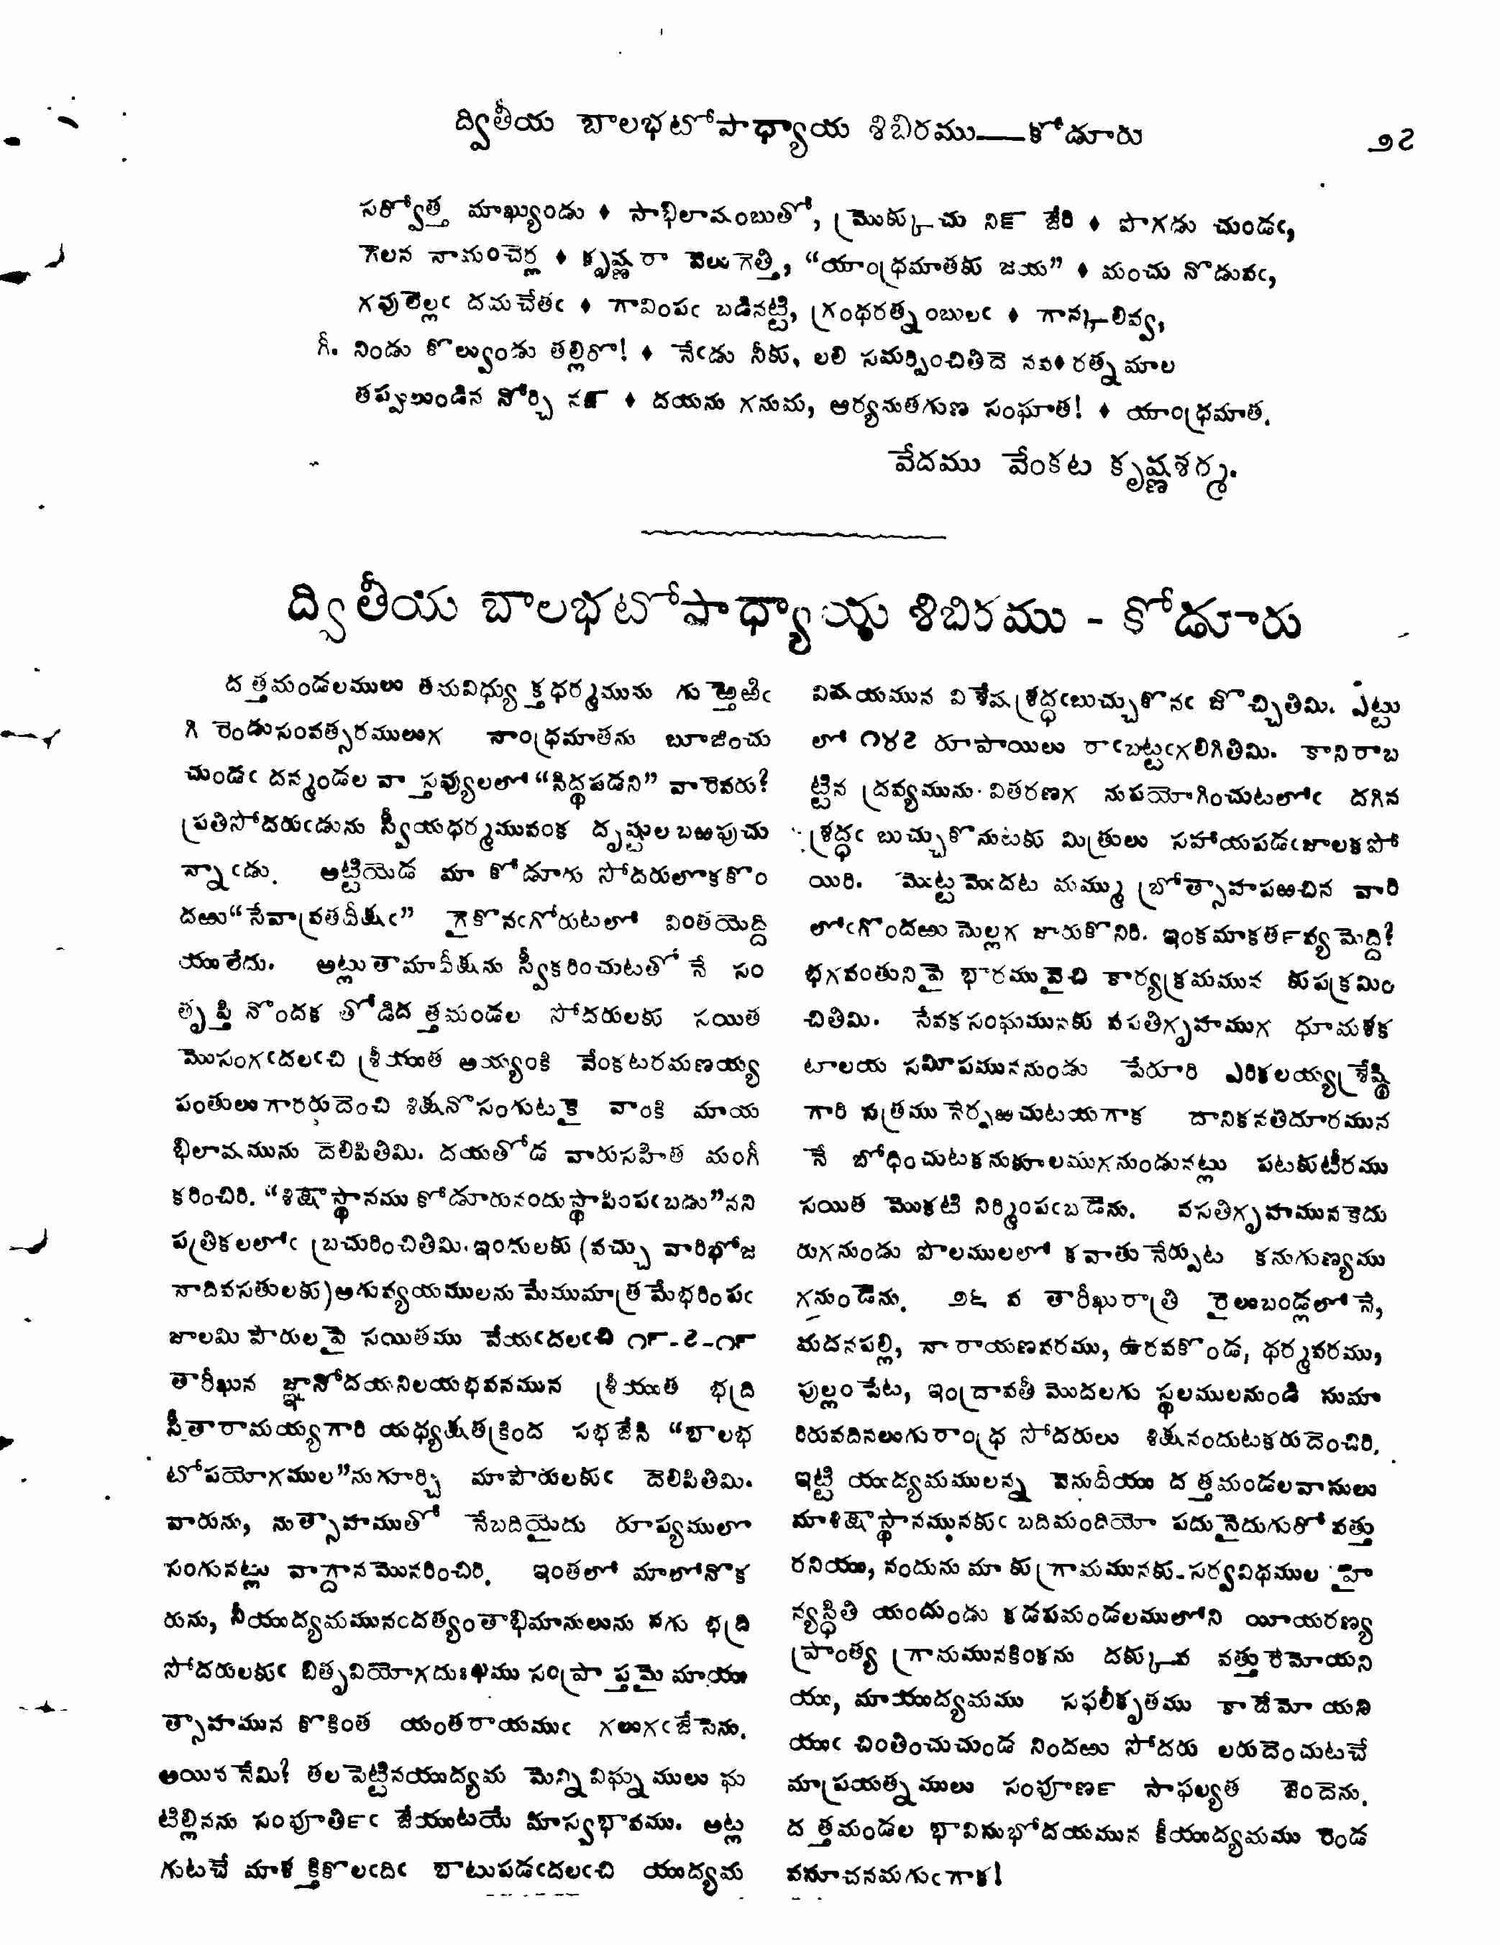దత్తమండలములు తీరువిధ్యుక్త ధర్మమును గుఱైఱిఁగి రెండు సంవత్సరములుగ నాంధ్రమాతను బూజించు చుండఁ దన్మండల వాస్తవ్యులలో “సిద్ధపడని” వారెవరు? ప్రతిసోదరుఁడును స్వీయధర్మమువంక దృష్టులబఱపుచున్నాఁడు. అట్టియెడ మా కోడూరు సోదరులొకకొందఱు “సేవావ్రతదీక్షుఁ” గైకొనఁగోరుటలో వింతయెద్దియం లేదు. అట్లుతామాదీను స్వీకరించుటతోనే సంతృప్తి నొందక తోడిదత్తమండల సోదరులకు సయిత మొసంగఁదలఁచి శ్రీయుత అయ్యంకి వెంకటరమణయ్య పంతులు గారరుదెంచి శిక్షనొసంగుటకై వారికి మాయభిలాషమును దెలిపితిమి. దయతోడ వారుసహిత మంగీకరించిరి. “శిక్షాస్థానము కోడూరునందు స్థాపింపఁబడు”నని పత్రికలలోఁ బ్రచురించితిమి. ఇందులకు (వచ్చు వారిభోజనాదివసతులకు)అగువ్యయములను మేముమాత్రమే భరించుఁ జాలమి పౌరుల పై సయితము వేయఁదలఁచి ౧౯-౭-౧౯ తారీఖున జ్ఞానోదయనిలయభవనమున శ్రీయుత భద్రి సీతారామయ్యగారి యధ్యక్షుతక్రింద సభజేసి "బాలభటోపయోగముల”ను గూర్చి మాపౌరులకుఁ దెలిపితిమి. వారును, నుత్సాహముతో సేబదియైదు రూప్యములోసంగునట్లు వాగ్దాన మొనరించిరి. ఇంతలో మాలోనొకరును, నీయుద్యమమునఁదత్యంతాభిమానులును నగు భద్రి సోదరులకుఁ బితృవియోగదుఃఖము సంప్రాప్తమై మాయుత్సాహమున కొకింత యంతరాయముఁ గలుగఁజేసెను. అయిన నేమి? తల పెట్టినయుద్యమ మెన్ని విఘ్నములు ఘటిల్లినను సంపూతి౯ఁ జేయుటయే మాస్వభావము. అట్లగుటచే మాళక్తికొలఁదిఁ బాటుపడఁదలఁచి యుద్యమ విషయమున విశేషశ్రద్ధఁబుచ్చుకొనఁ జొచ్చితిమి. ఎట్టు లో ౧౪౭ రూపాయిలు రాఁబట్టఁగలిగితిమి. కాని రాబట్టిన ద్రవ్యమును వితరణగ నుపయోగించుటలోఁ దగిన శ్రద్ధఁ బుచ్చుకొనుటకు మిత్రులు సహాయపడఁజాలకపోయిరి. మొట్టమొదట మమ్ము బ్రోత్సాహపఱచిన వారిలోఁగొందఱు మెల్లగ జారుకొనిరి. ఇంకమాకత౯వ్యమెద్ది?
భగవంతునిపై భారము వైచి కార్యక్రమమును కుపక్రమించితిమి. సేవక సంఘములకు వపతిగృహముగ ధూమశకటాలయ సమీపముననుండు పేరూరి ఎరికలయ్యశ్రేష్ఠిగారి సత్రము నేర్పఱచుటయగాక దానికనతిదూరమున నే బోధించుటకనుకూలముగనుండునట్లు పటకుటీరము
సయితే మొకటి నిర్మింపఁబడెను. వసతిగృహమున కెదురుగనుండు పొలములలో కవాతునేర్పుట కనుగుణ్యముగనుండెను. ౨౬ వ తారీఖు రాత్రి రైలు బండ్లలోనే మదనపల్లి, నారాయణవరము, ఉరవకొండ, ధర్మవరము, పుల్లంపేట, ఇంద్రావతీ మొదలగు స్థలములనుండి సుమారిరువదినాలుగురాంధ్రసోదరులు శిక్షనందుటకరుదెంచిరి. ఇట్టి యద్యమములన్న వెనుదీయు దత్తమండలవానులు మా 
శిక్షాస్థానమునకుఁ బదిమందియో పదునైదుగురో వత్తురనియు, నందును మాకుగ్రామమునకు సర్వవిధముల 'హైన్యసిద్ధతి యందుండు కడపమండలములోని యీయరణ్యప్రాంత్య గ్రామమునకింకను దక్కువ వత్తురేమోయనియు, మాయుద్యమము సఫలీకృతము కాదేమోయనియుఁ చింతించుచుండ నిందఱు సోదరు లరుదెంచుటచే మాప్రయత్నములు సంపూణ౯ సాఫల్యత జెందెను. దత్తమండల భావిసుభోదయమున కీయద్యమము రెండ వసూచనమగుఁగాక!